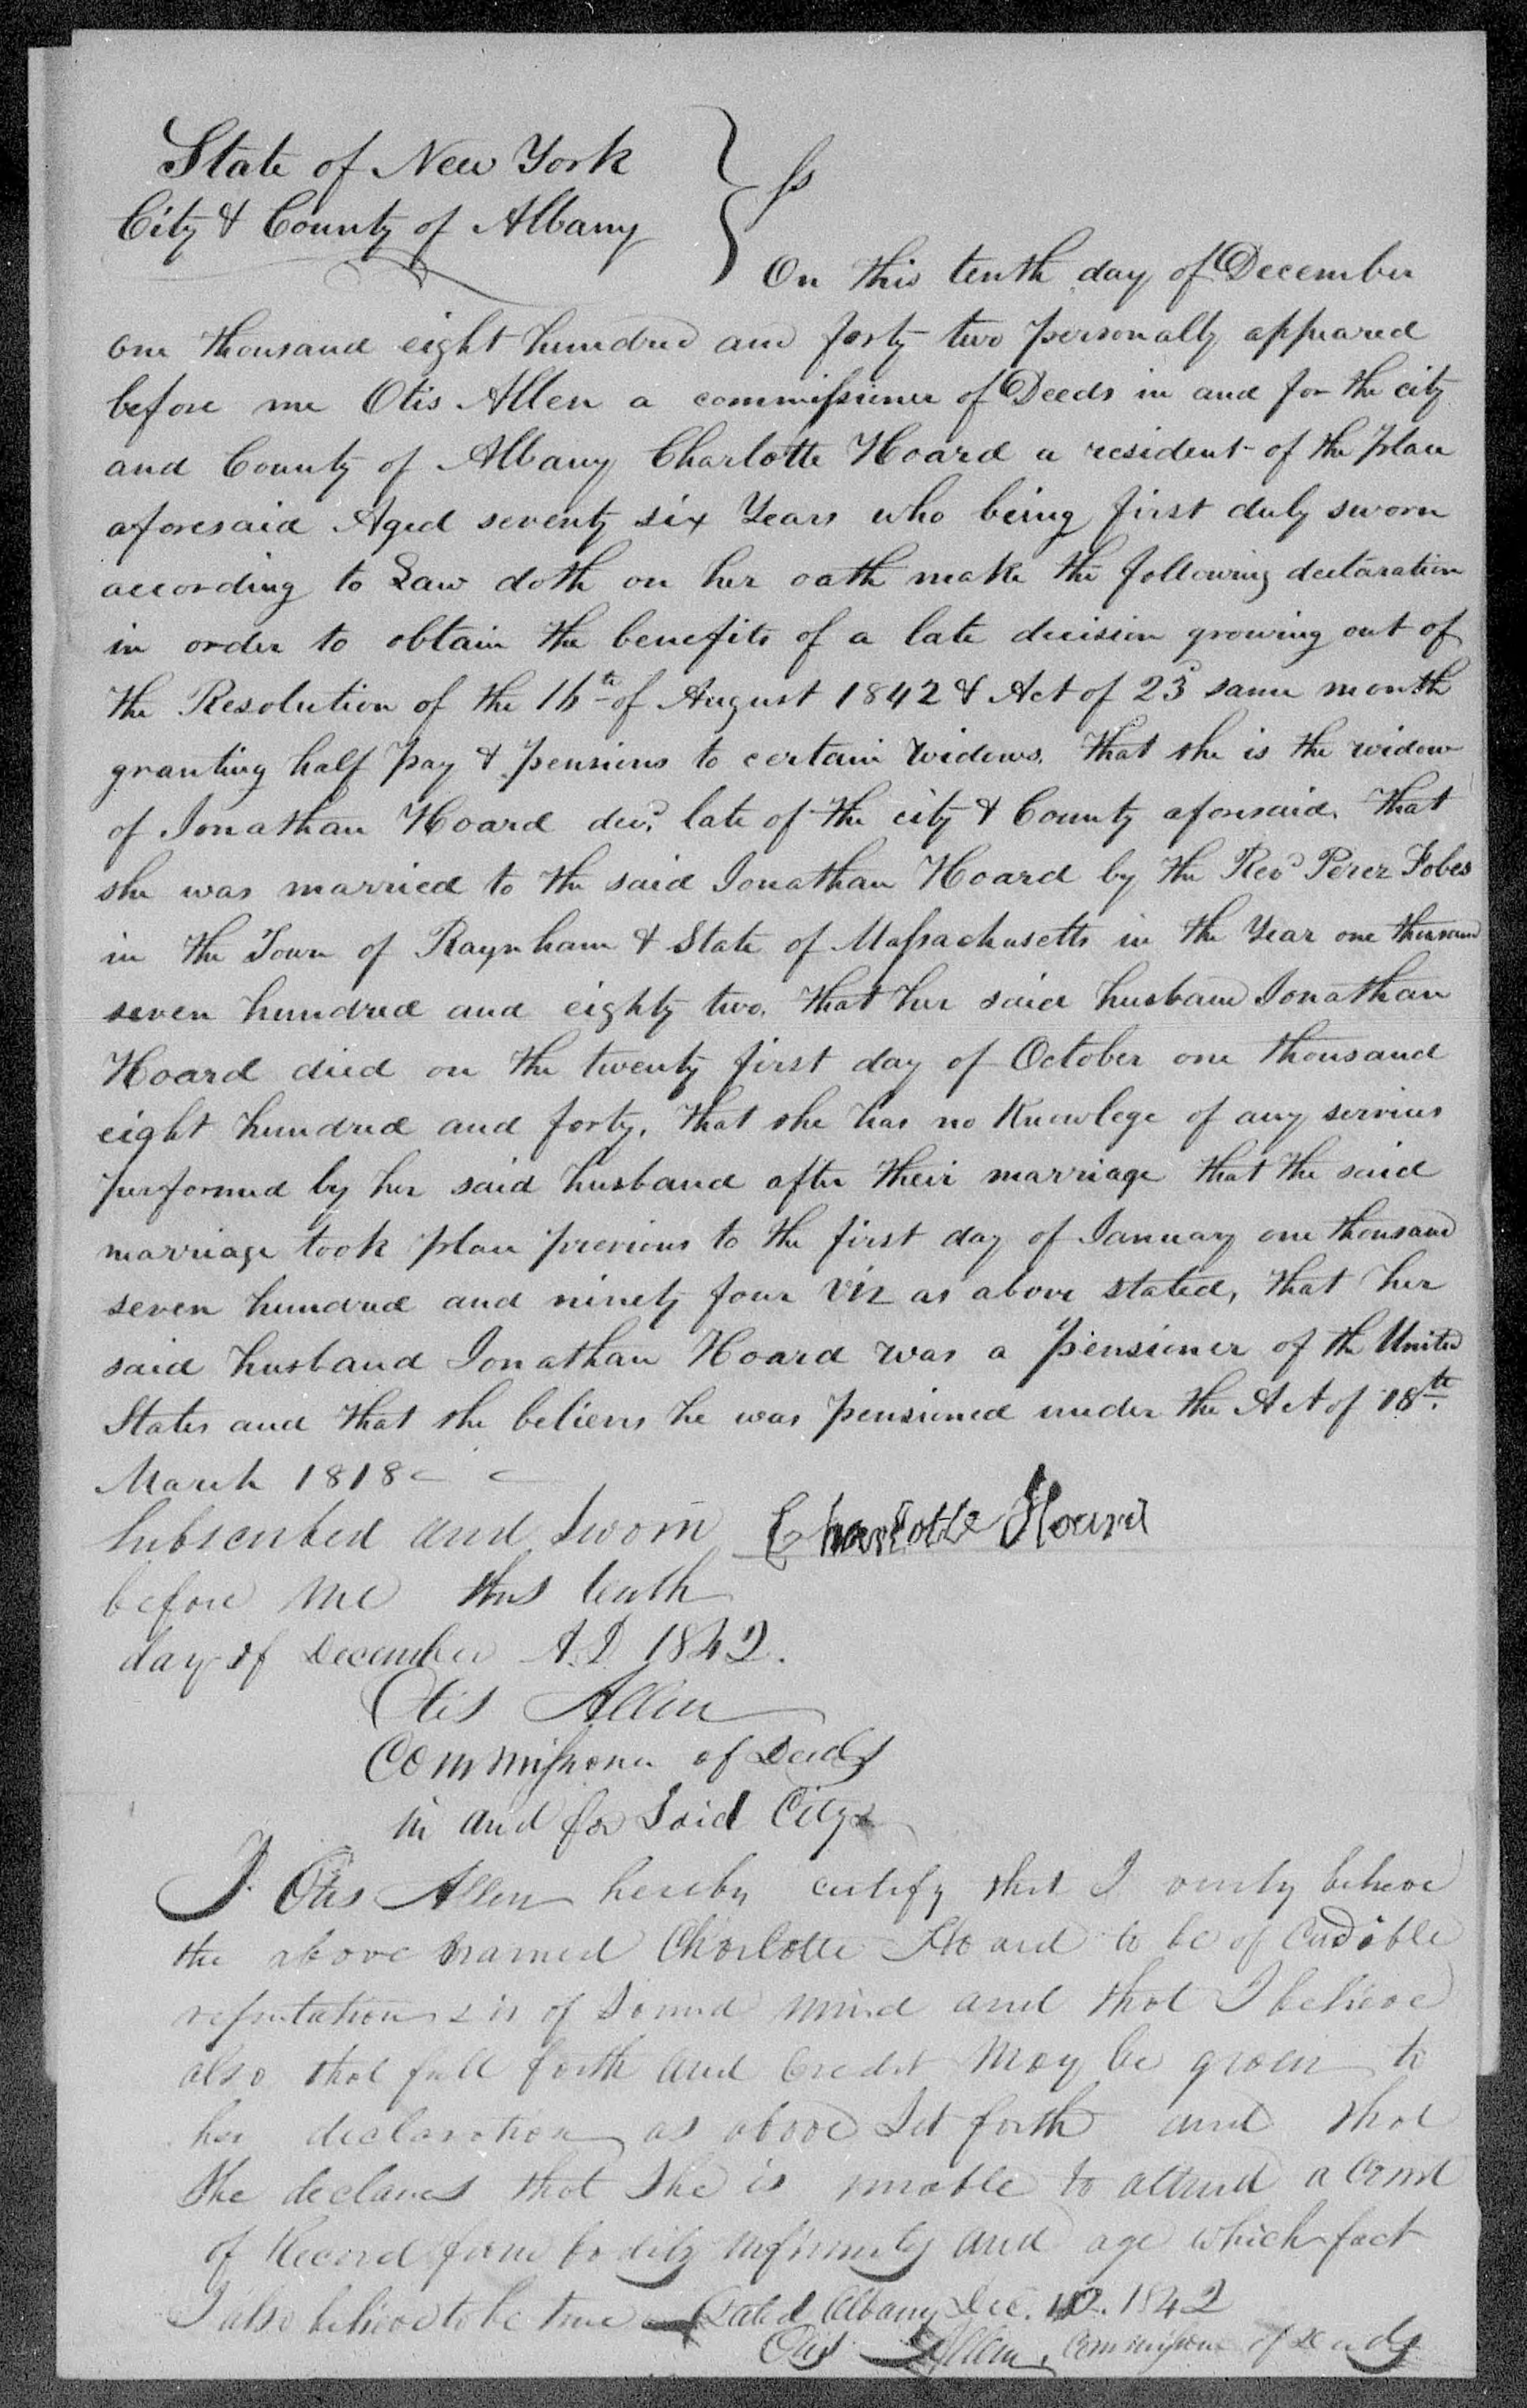State of New York}
City & County of Albany } ss.

On this tenth day of December
one thousand eight hundred and forty two personally appeared before me Otis Allen a commissioner of Deeds in and for the city and County of Albany Charlotte Hoard a resident of the place aforesaid Aged seventy six years who being first duly sworn according to Law doth on her oath make the following declaration in order to obtain the benefits of a late decision growing out of the Resolution of the 16th of August 1842 & Act of 23d same month granting half pay & pensions to certain widows. That she is the widow of Jonathan Hoard decd late of the City & County aforesaid. That she was married to the said Jonathan Hoard by the Revd Perez Fobes in the Town of Raynham & State of Massachusetts in the year one thousand seven hundred and eighty two, that her said husband Jonathan Hoard died on the twenty first day of October one thousand eight hundred and forty, that she has no knowlege [knowledge] of any services performed by her said husband after their marriage that the said marriage took place previous to the first day of January one thousand seven hundred and ninety four Viz as above stated, that her said husband Jonathan Hoard was a pensioner of the United States and that the believes he was pensioned under the Act of 18th March 1818 - 
Charlotte Hoard (signature)

Subscribed and sworn, before me this tenth day of December A.D. 1842.
Otis Allen (signature)
Commissioner of Deeds in and for said City

I Otis Allen hereby certify that I verily believe the above named Charlotte Hoard to be of credible reputation & is of sound mind and that I believe also that full faith and credit may be given to her declaration as above set forth and that she declares that she is unable to attend a Court of Record from bodily infirmity and age which fact I also believe to be true - Dated Albany Dec. 10, 1842.
Otis Allen Commissioner of Deeds  (signature)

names: Jonathan Hoard, Jonathan Hoard, Otis Allen, Charlotte Hoard, Perer Fobes, Jonathan Hoard, Otis Allen, Charlotte Hoard, Otis Allen, Jonathan Hoard, Otis Allen, Charlotte Hoard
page: 15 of 52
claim: widow's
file: W 19755, Jonathan Hoard, Mass.